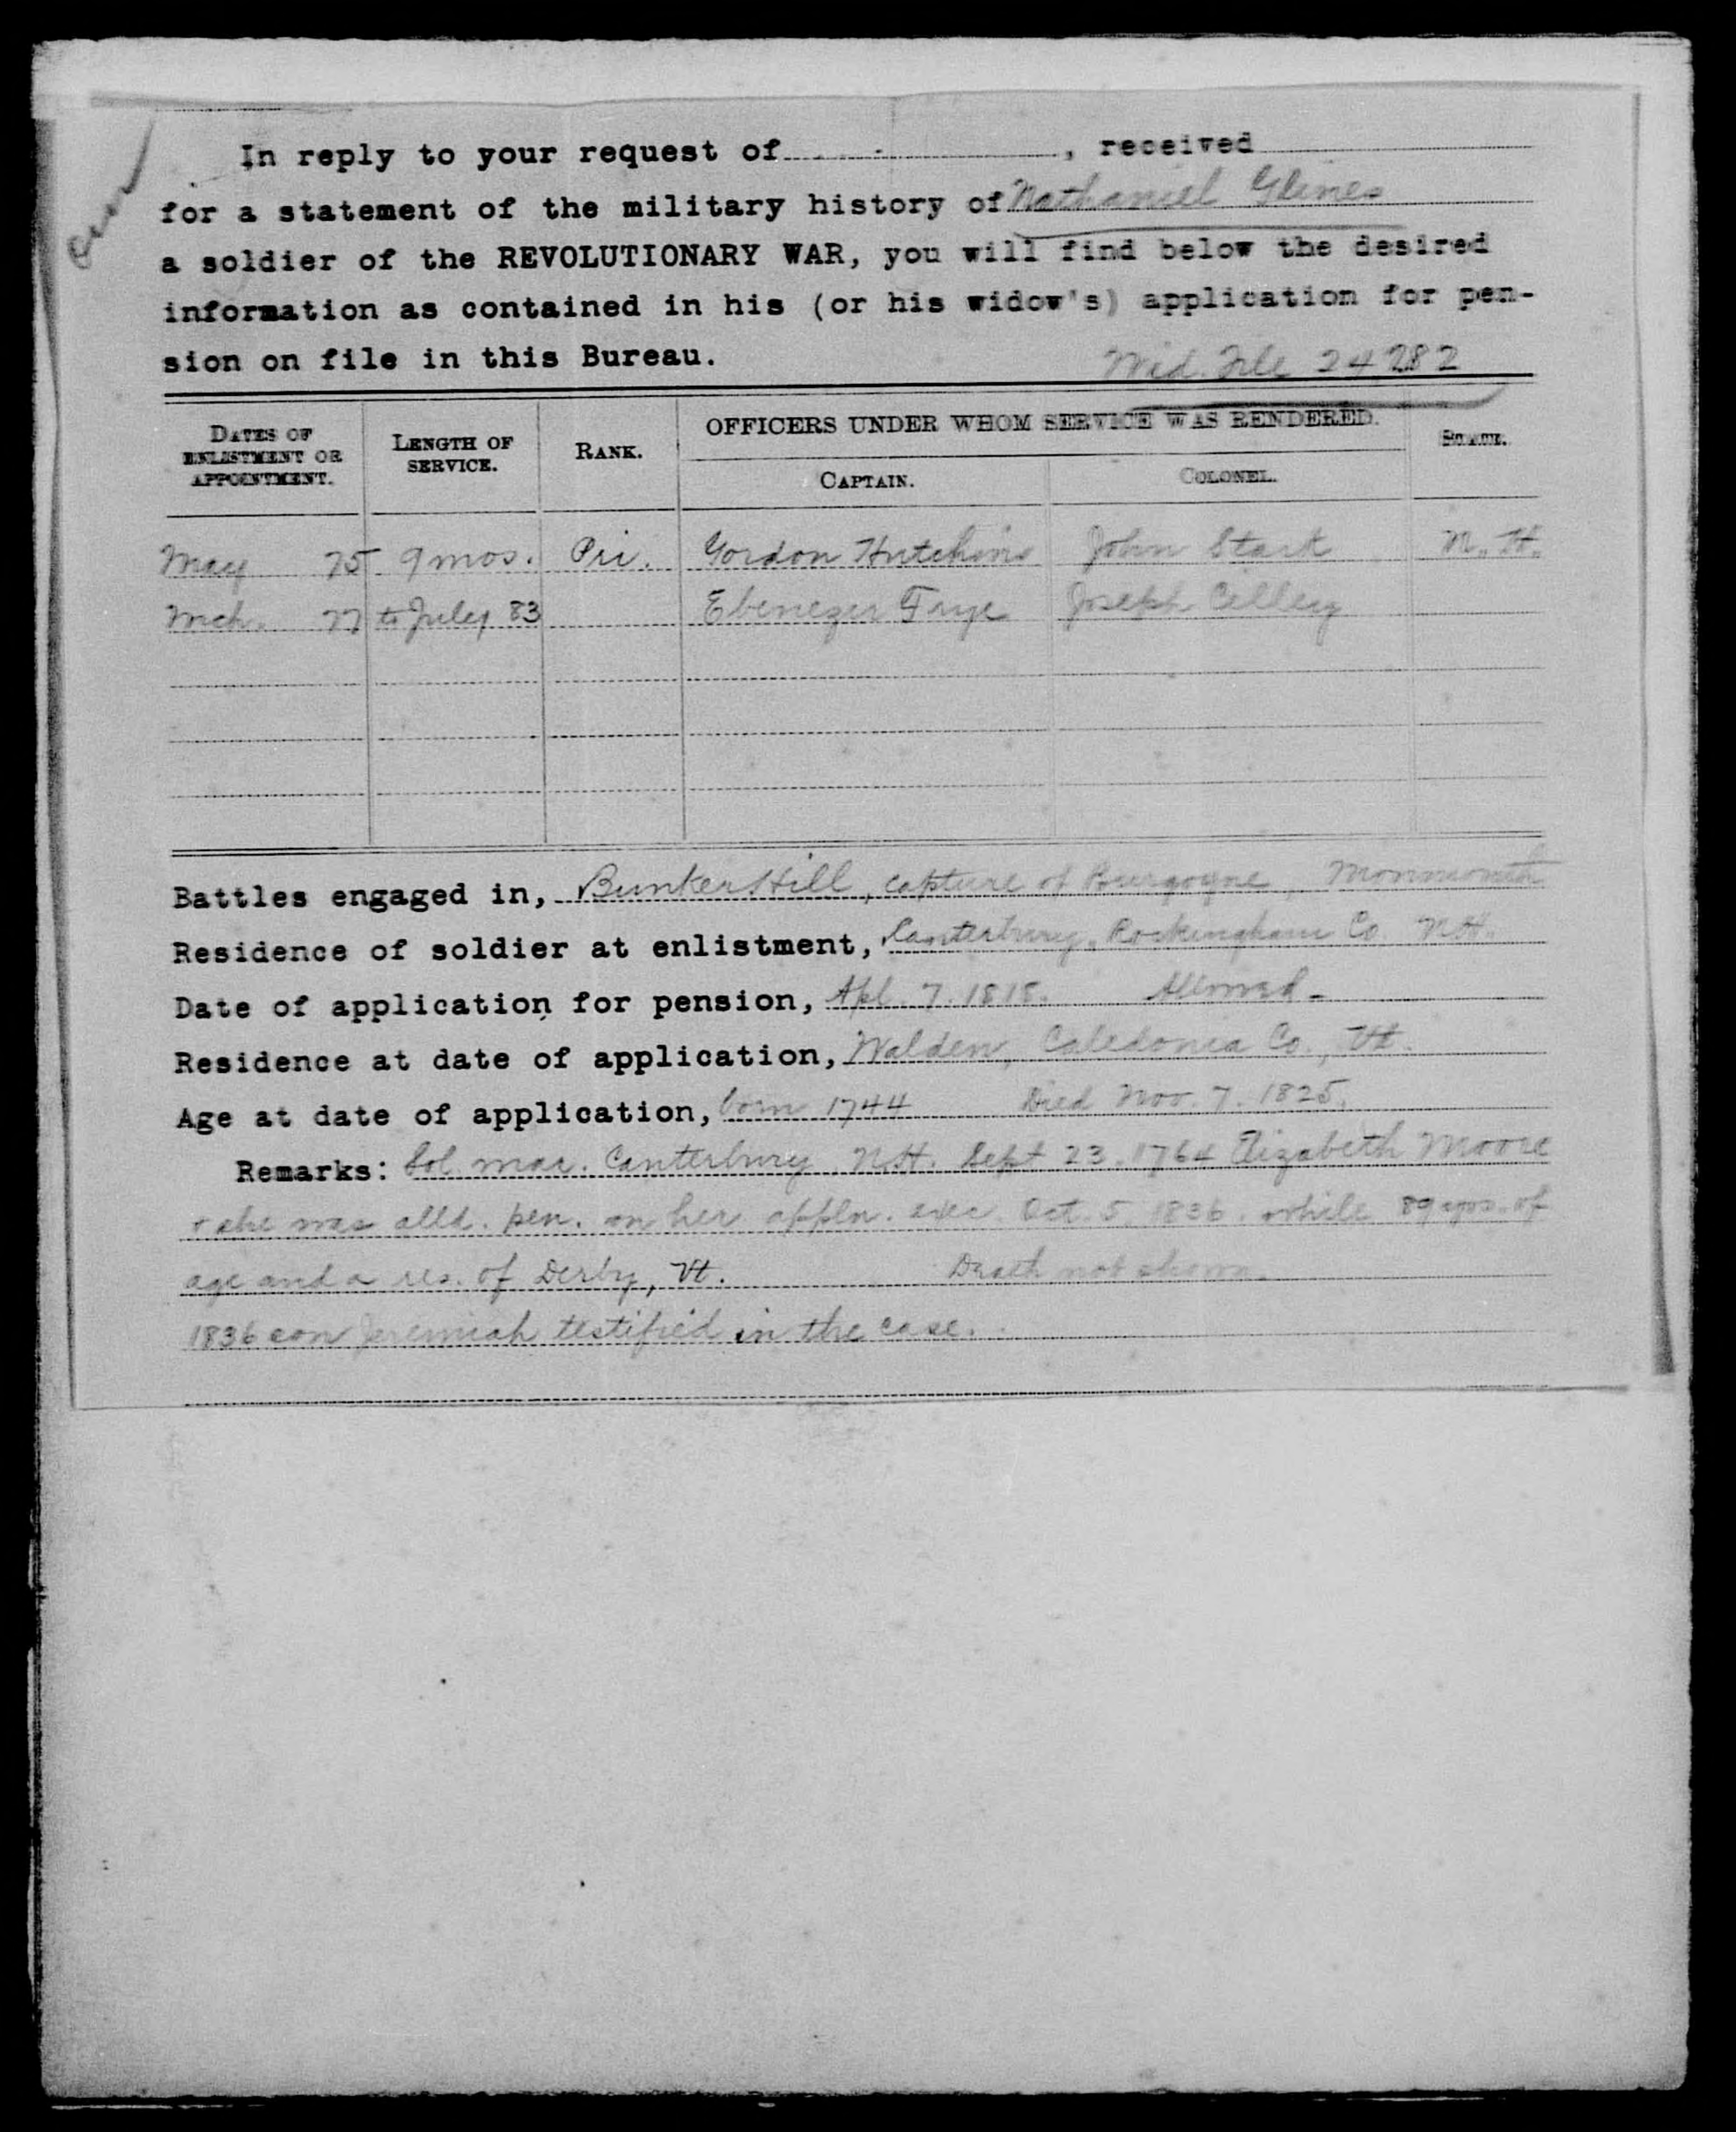OWN

In reply to your request of..................., received............. for a statement of the military history of Nathaniel Glines a soldier of the REVOLUTIONARY WAR, you will find below the desired information as contained in his (or his widow's) application for pension on file in this Bureau.   Wid. File  24282

[Column 1]
DATES OF ENLISTMENT OR APPOINTMENT.
[1]  May 75
[2]  Mch. 77

[Column 2]
LENGTH OF SERVICE.
[1]  9 mos.
[2]  to July 83

[Column 3]
RANK.
[1]  Pri.

[Columns 4 & 5]
OFFICERS UNDER WHOM SERVICE WAS RENDERED.
CAPTAIN.........................................COLONEL.
[1]  Gordon Hutchins...........John Stark
[2]  Ebenezer Frye.................Joseph Cilley

[Column 6]
STATE.
[1]  N.H.

Battles engaged in,  Bunker Hill, capture of Burgoyne, Monmouth

Residence of soldier at enlistment,  Canterbury, Rockingham Co  N.H.

Date of application for pension,  Apl. 7. 1818.  Allowed--

Residence at date of application, Walden, Caledonia Co., Vt.

Age at date of application,  born 1744     Died Nov. 7. 1825.

Remarks:  Sol mar. canterbury N.H.  Sept 23, 1764  Elizabeth Moore & she was alld. pen. on her appln. exec. Oct. 5, 1836, while 89 yrs. of age and a res. of Derby, Vt.   Death not shown.   1836 son Jeremiah testified in the case.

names: John Stark, Elizabeth Moore, Jeremiah, Gordon Hutchins, Ebenezer Frye, Joseph Cilley, Nathaniel Glines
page: 19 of 29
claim: widow's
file: W. 24,282, Nathaniel Glines, N.H.